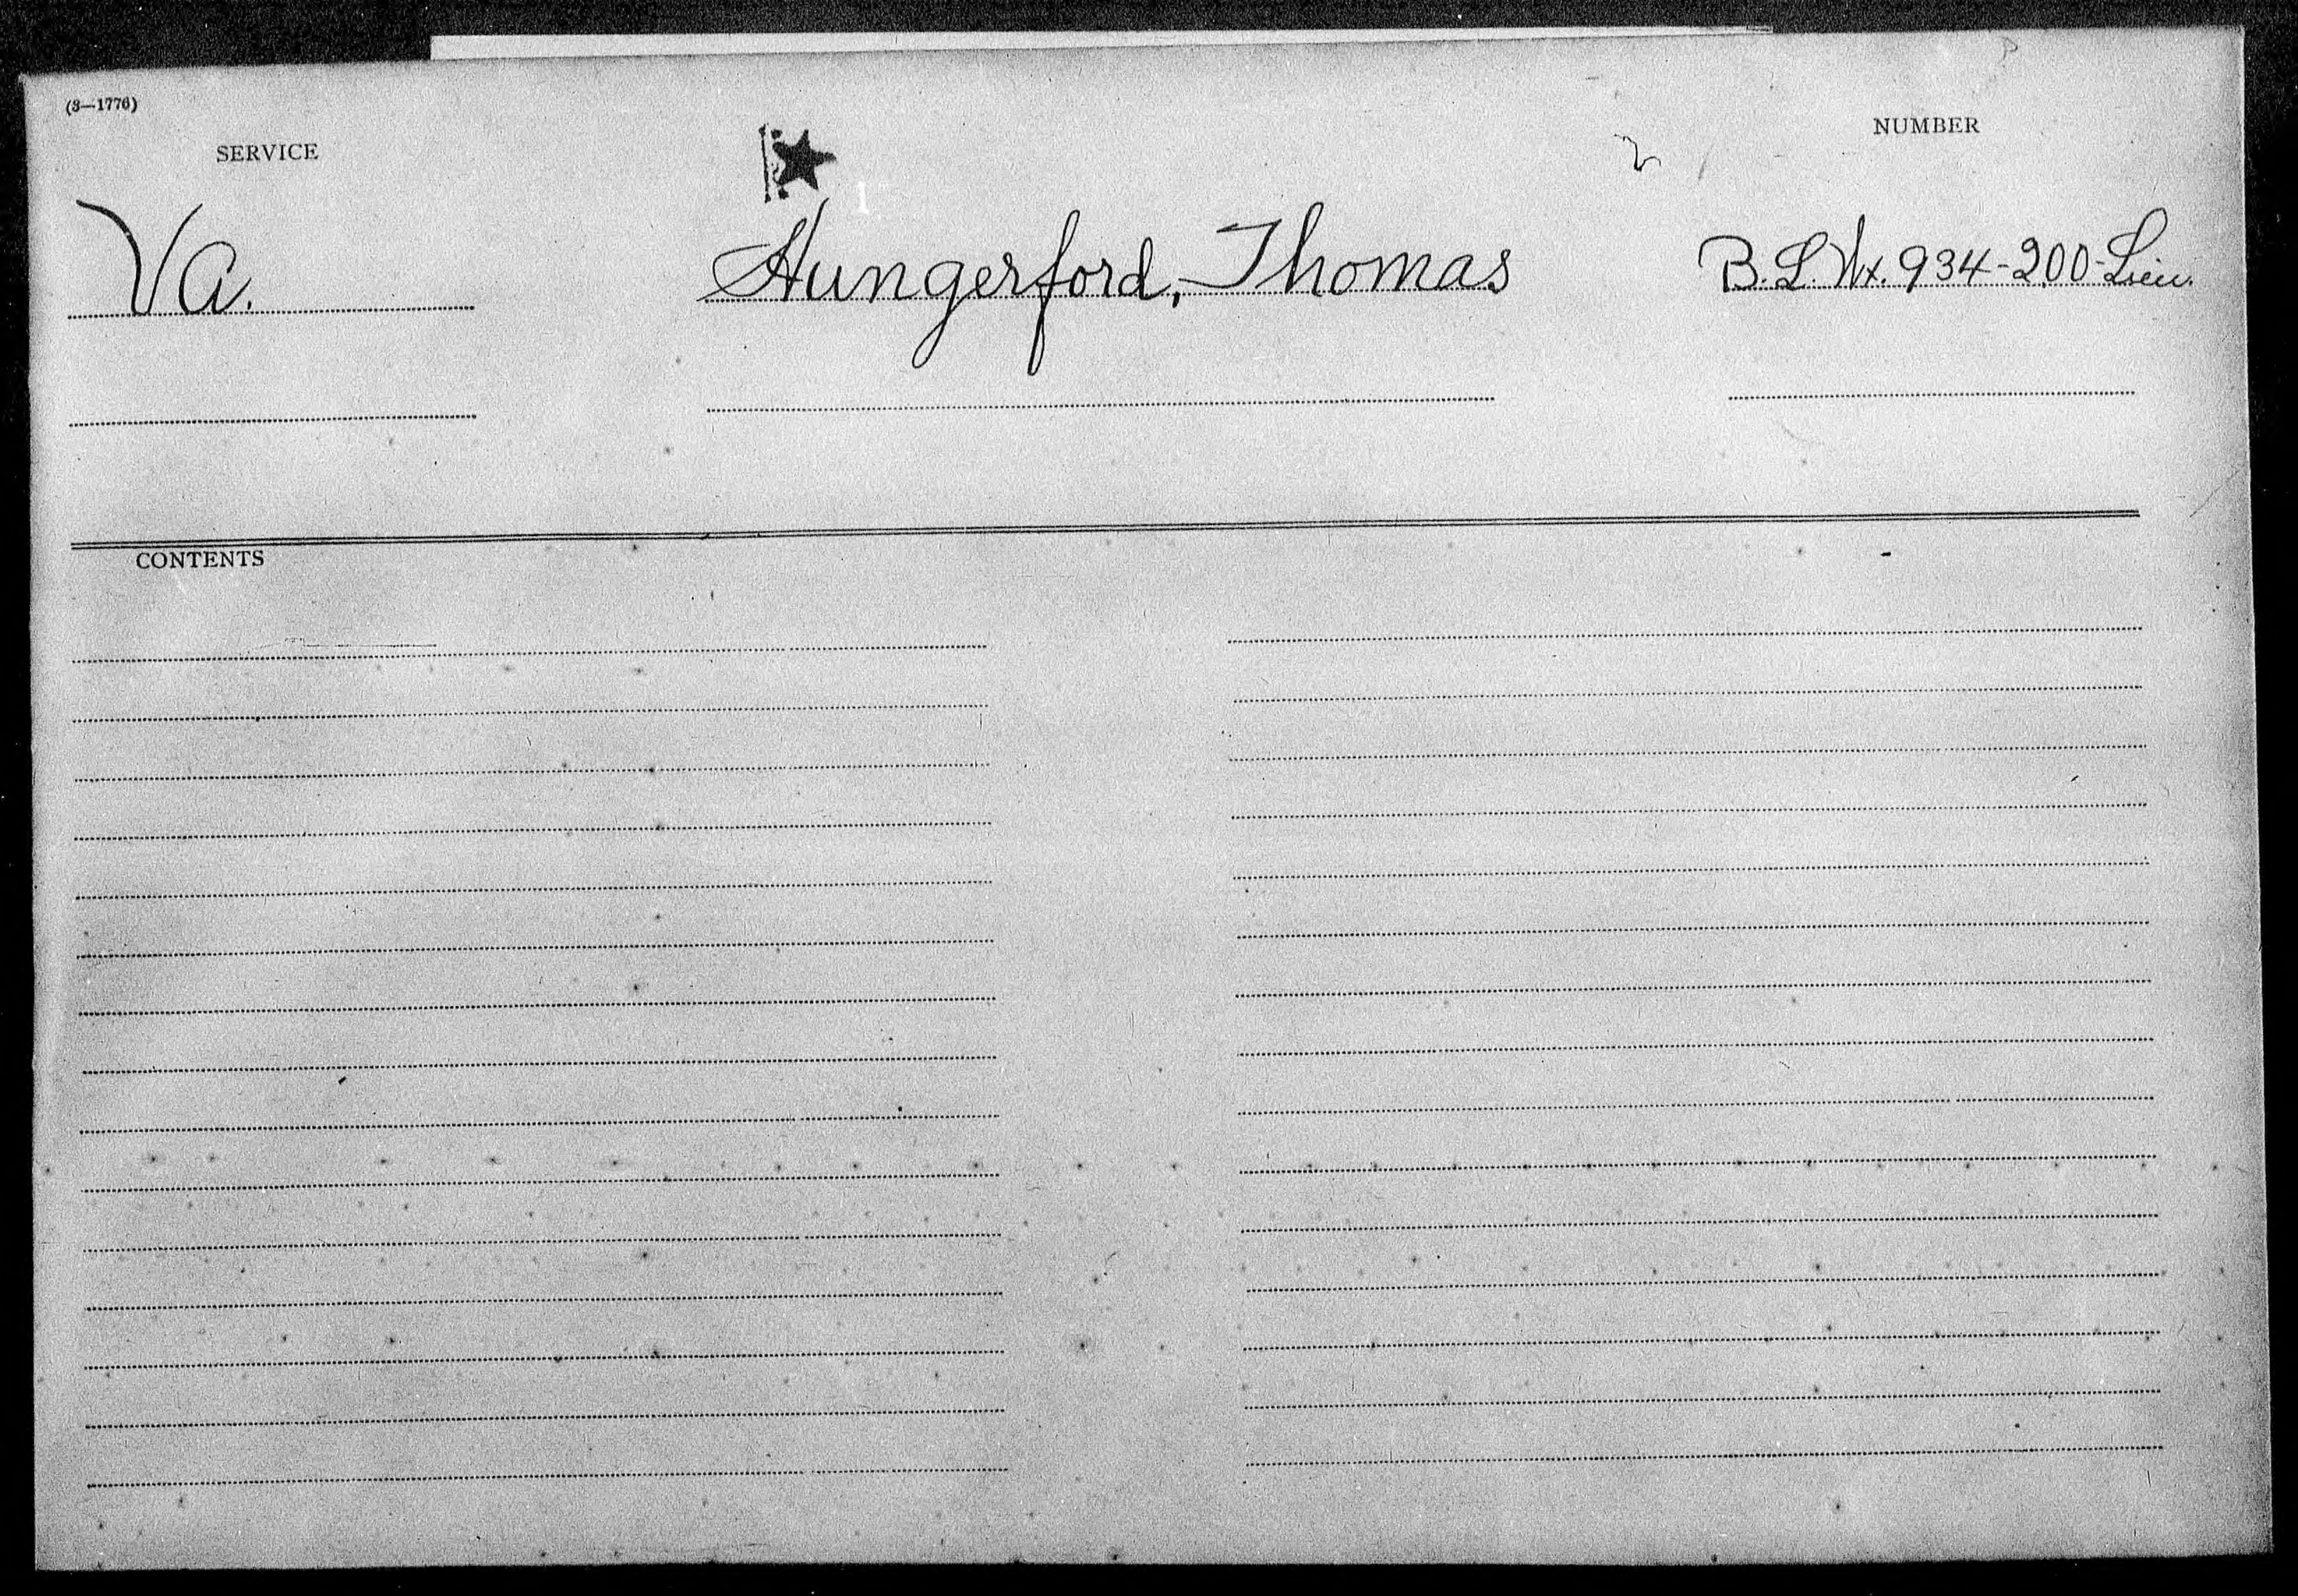(3 - 1776)
SERVICE | | NUMBER
Va. | Hungerford, Thomas | B.L. Wt.934-200 Lieu.
CONTENTS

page: 1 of 7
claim: bounty land warrant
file: B. L. Wt. 934-200, Thomas Hungerford, Va.